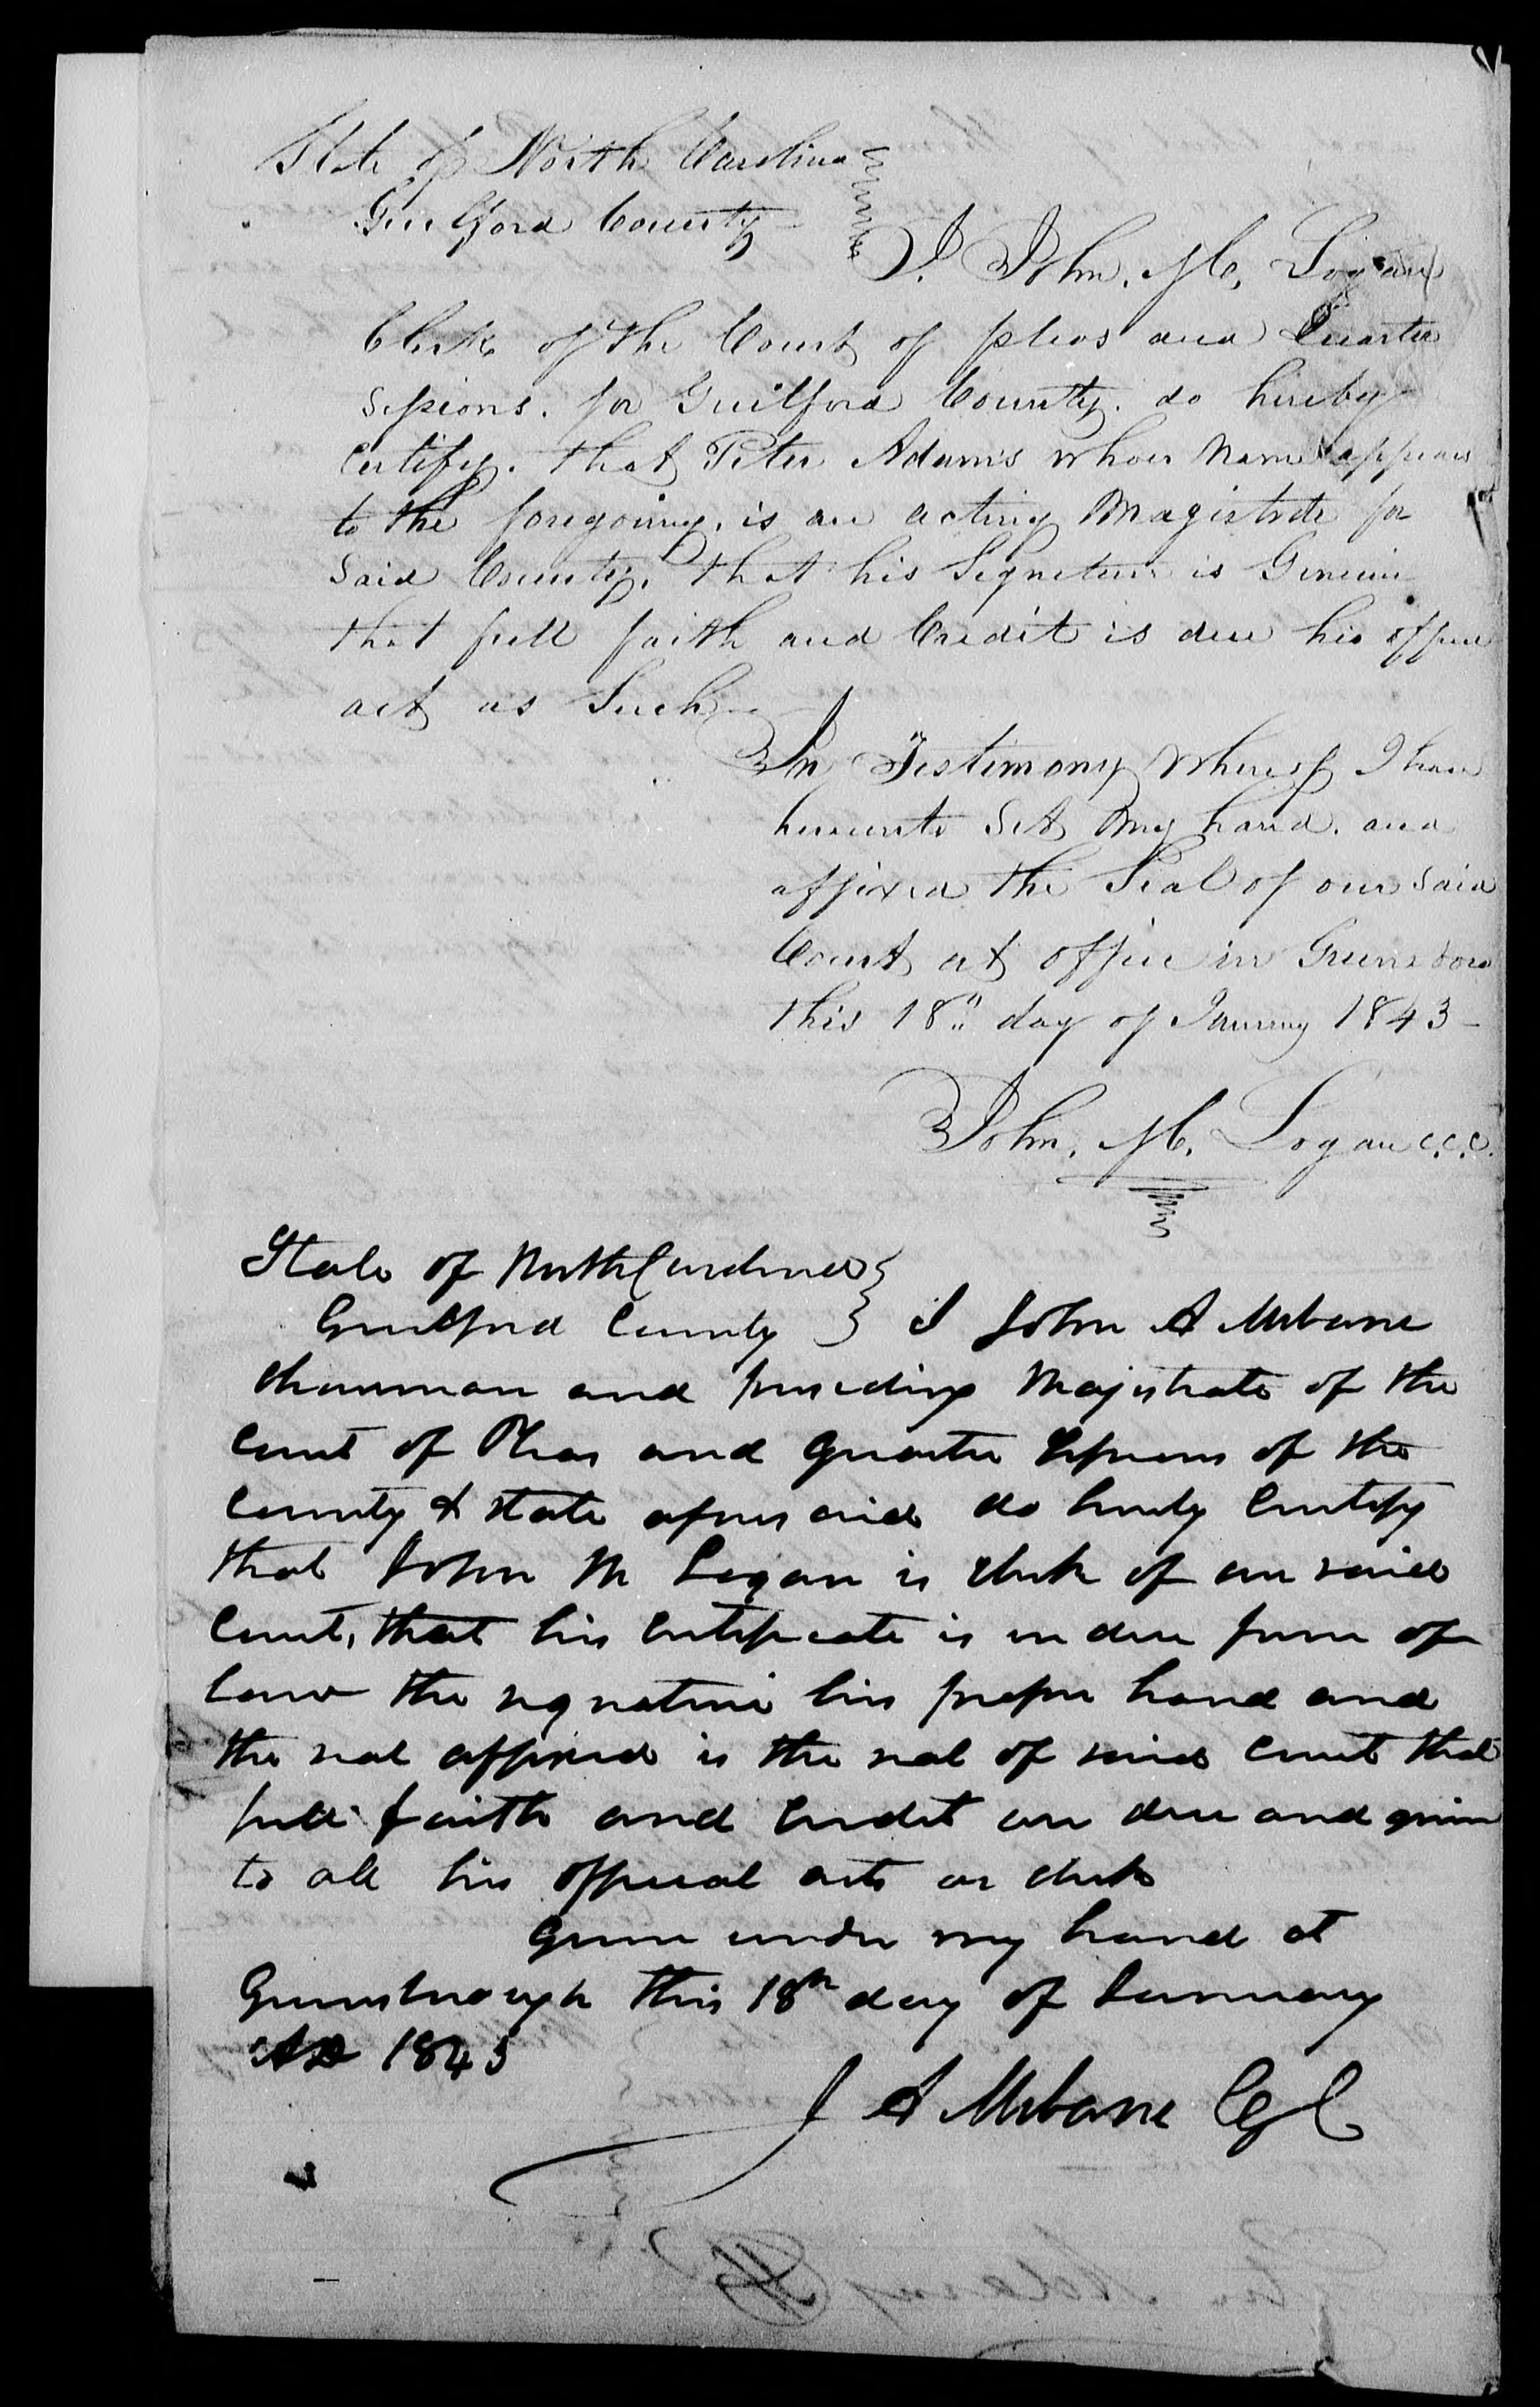[Handwritten record]

[In light ink] State of North Carolina)
Guilford County) 

I. John H. Logan Clerk of the Court of pleas and Quarter Sessions. for Guilford County. do hereby Certify. that Peter Adam's whoes [whose] Name appears to the foregoing, is an acting Magistrate for Said County.  that his Signature is Genuine  that full faith and Credit is due his office  act as Such.

In Testimony whereof I have hereunto Set my hand. and affixed the Seal of our Said Court at office in Greensboro this 18th day of January 1843- 

[Signature with flourish] John H. Logan C.C.C. [possibly meaning Clerk of the County Court] 

State of North Carolina)
Guilford County)  I John A Mebane Chairman and presiding Majistrate [Magistrate] of the Court of Pleas and Quarter Sessions of the County and state aforesaid do hereby Certify that John M [or W] Logan is Clerk of our said Court, that his Certificate is in due form of law  the signature his proper hand and the seal affirmed in the seal of said Court  that full faith and Credit are due and given to all his Official acts as Clerk

Given under my hand at Greensborough this 18th day of January AD 1843

[Signature] J A Mebane [illegible letters]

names: Peter Adams, John A Mc Cane, John M Logan, J A Mc Cane, John M Logan, John M Logan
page: 104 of 145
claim: survivor's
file: S. 8265, William Cumming, N.C.